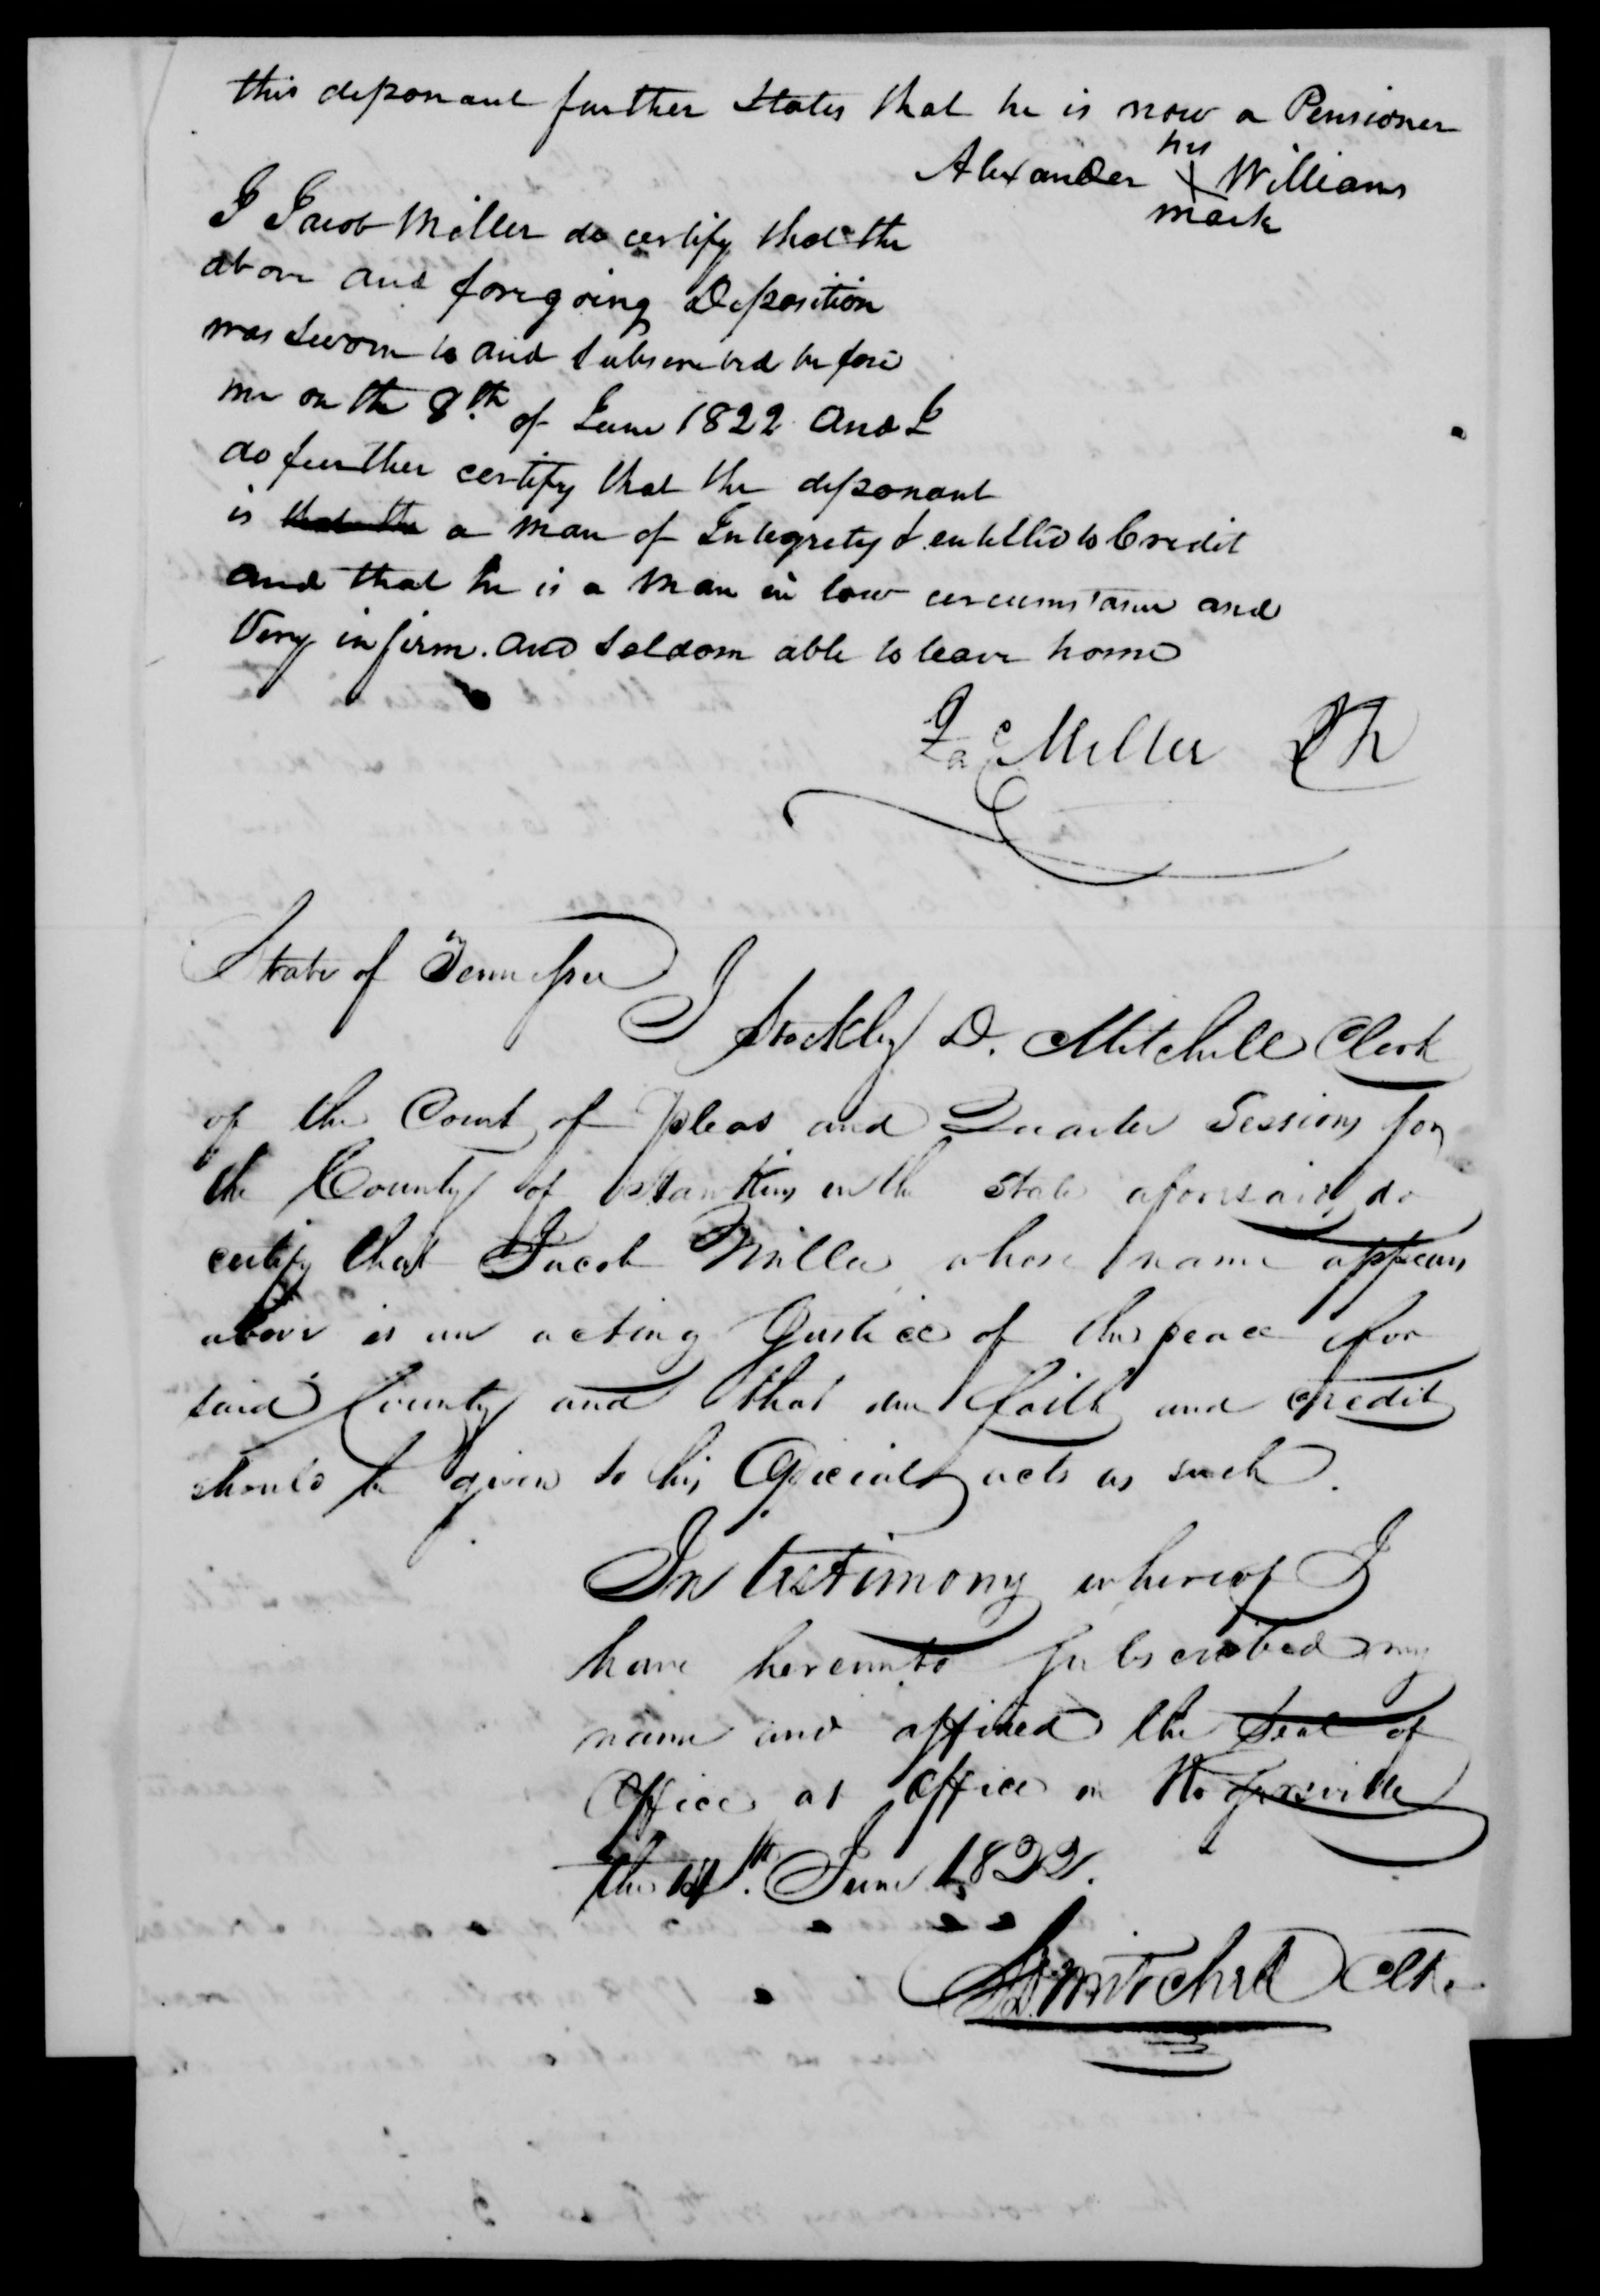this deponant further states that he is now a Pensioner
Alexander Williams
(his x mark)

I Jacob Miller do certify that the above and foregoing Deposition was Sworn to and Subscribed before me on the 8th of June 1822 And I do further certify that the deponant is a man of Integrity + entitled to Credit and that he is a man in low circumstances and Very infirm and Seldom able to leave home
Jac Miller JD

State of Tennefsee
I Stockley D Mitchell Clerk of the Court of Pleas and Quarter Sessions for the County of Hawkins in the State aforesaid, do certify that Jacob Miller whose name appears above is an acting Justice of the peace for said County and that due faith and credit should be given to his Official acts as such.
In testimony where I have hereunto fubscribed my name and affixed the Seal of Office at Office in Rogersville this 14th June 1822
S D Mitchell Clk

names: Alexander Williams; Jas Miller; Stockley D Mitchell; Jacob Miller; Jacob Miller; S D Mitchell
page: 73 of 79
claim: widow's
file: W. 1504, for Robert Smith, North Carolina